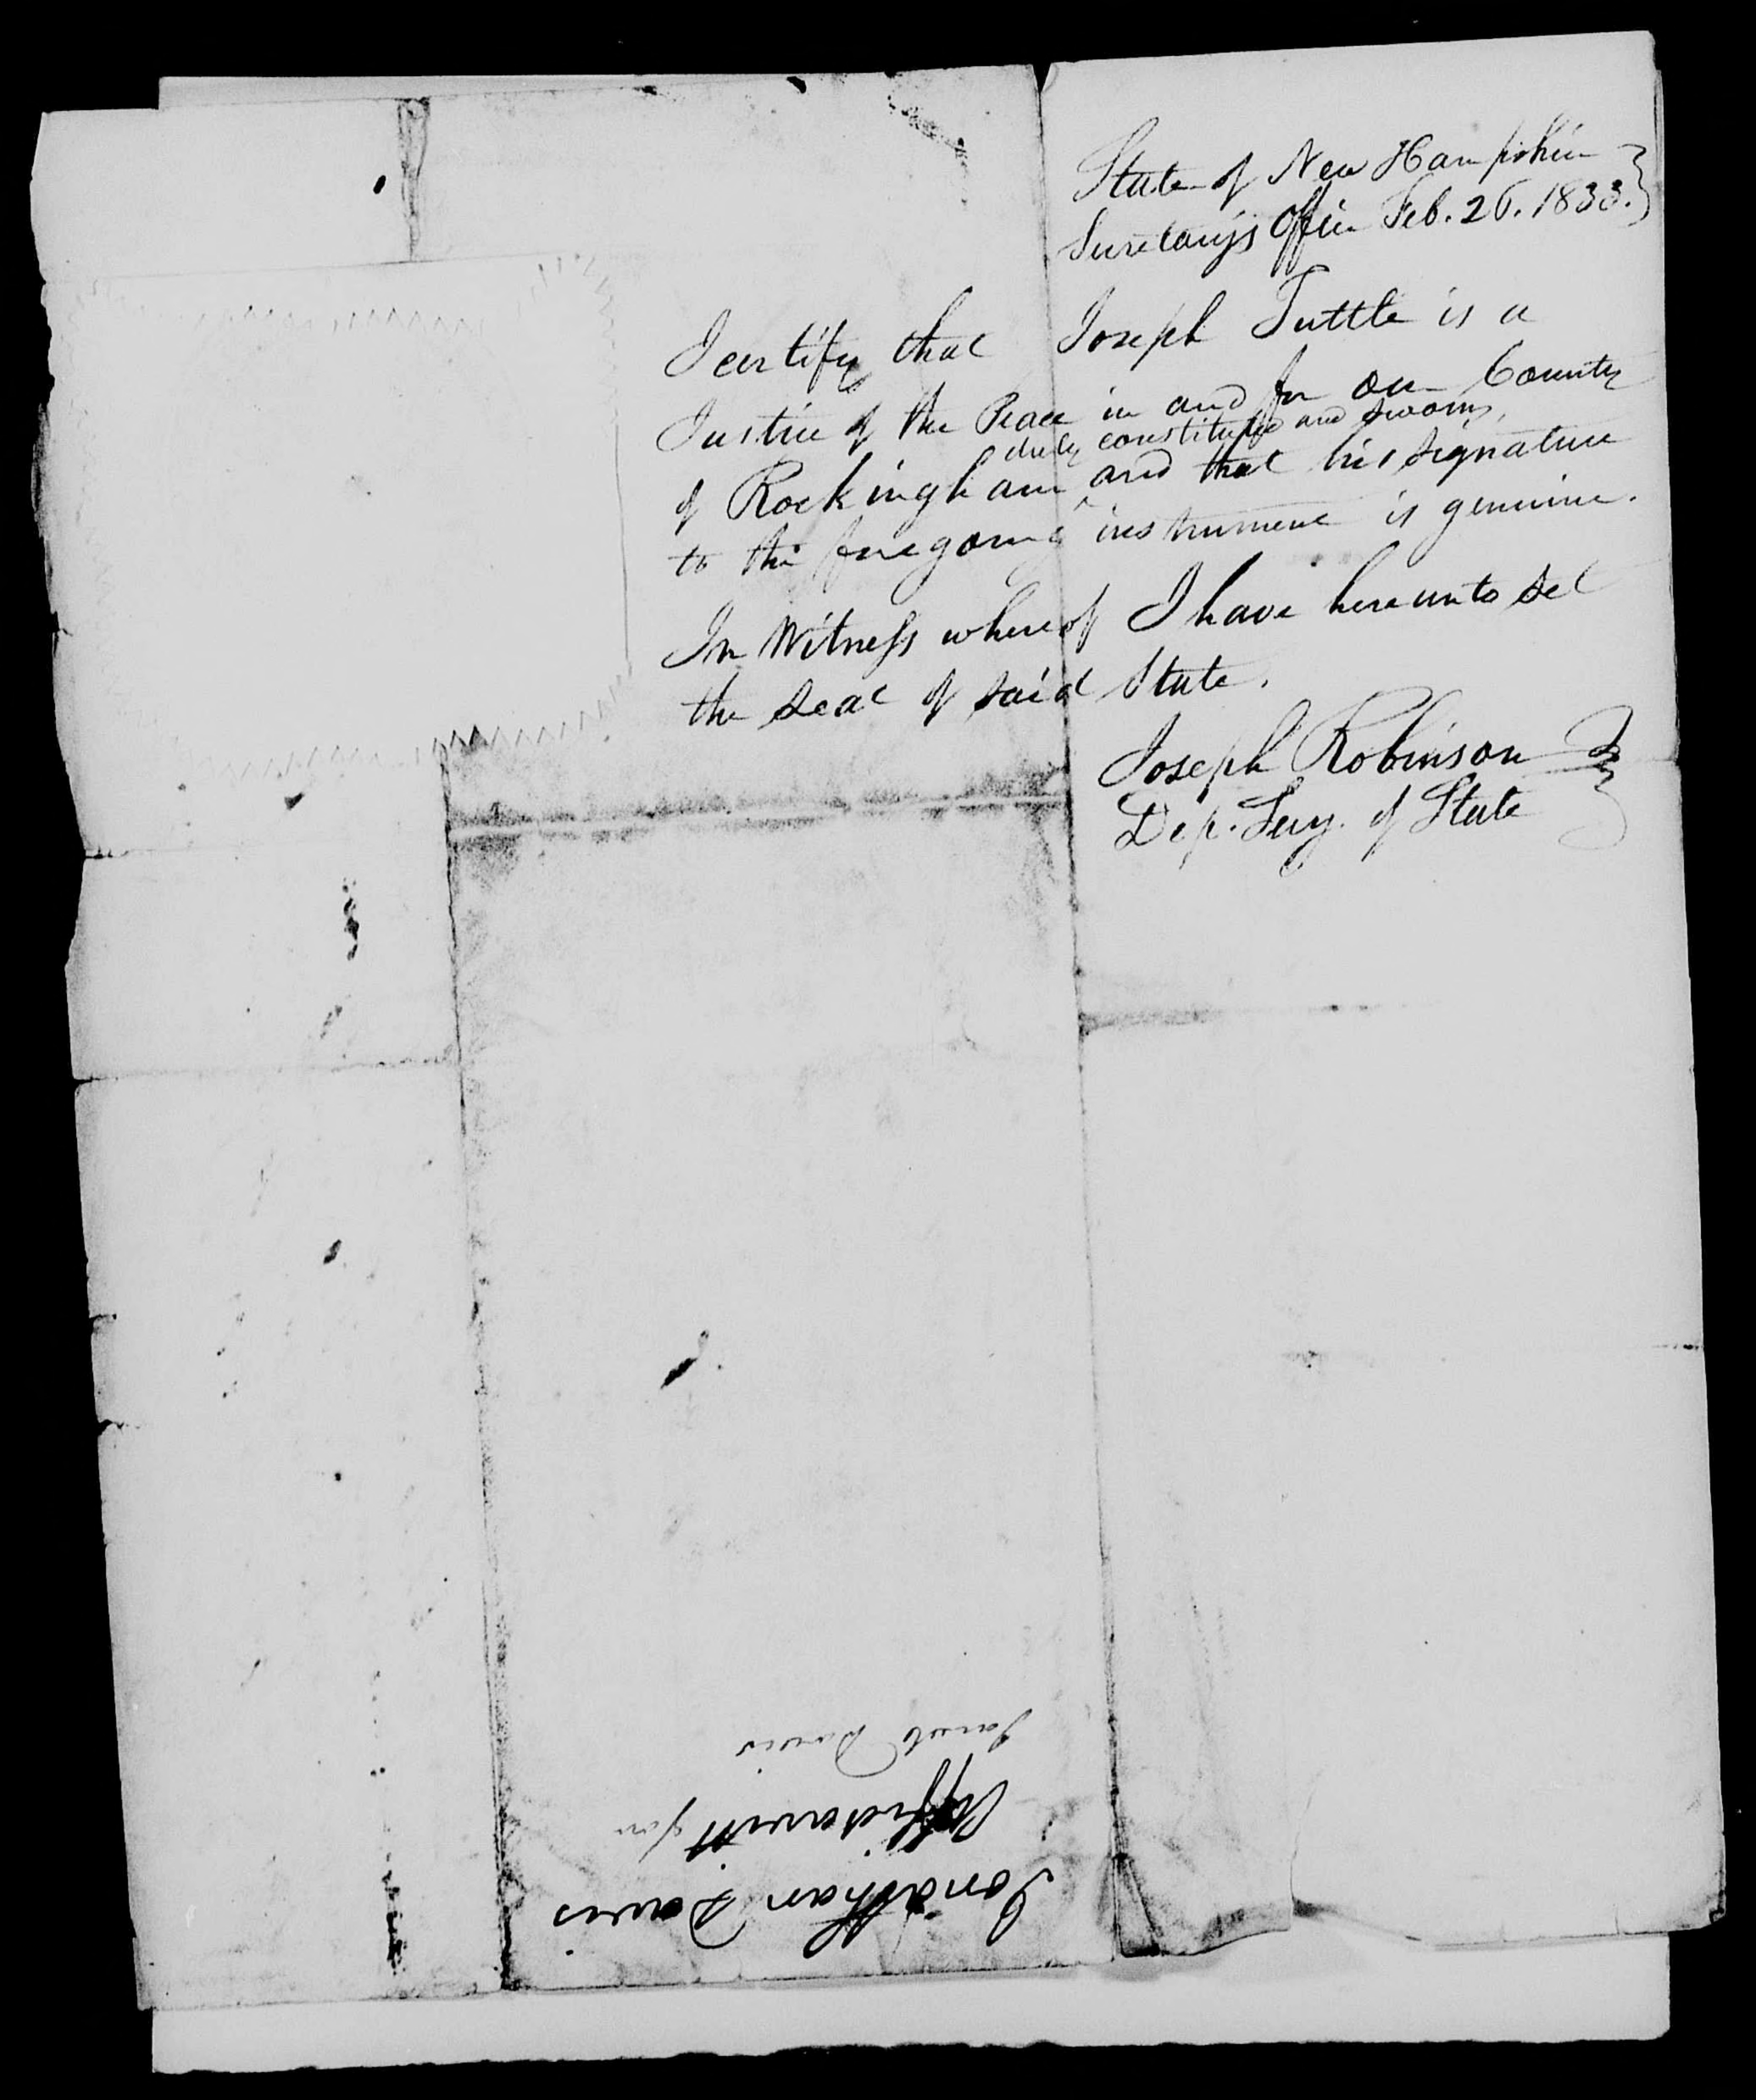State of New Hampshire
Secretary's Office Feb. 26. 1833.
I certify that Joseph Tuttle is a Justice of the Peace and for our County of Rockingham duly constituted and sworn
and that his signature to the foregoing instrument is genuine.
In Witness whereof I have hereunto set the seal
of said State.
Joseph Robinson
Dep. Scy [Secretary] of State

[upside down] Jonathan Davis
Affidavitt for Jacob Davis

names: Joseph Robinson, Jacob Davis, Joseph Tuttle, Jonathan Davis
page: 21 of 47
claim: widow's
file: W. 24043, Jacob Davis, N.H.